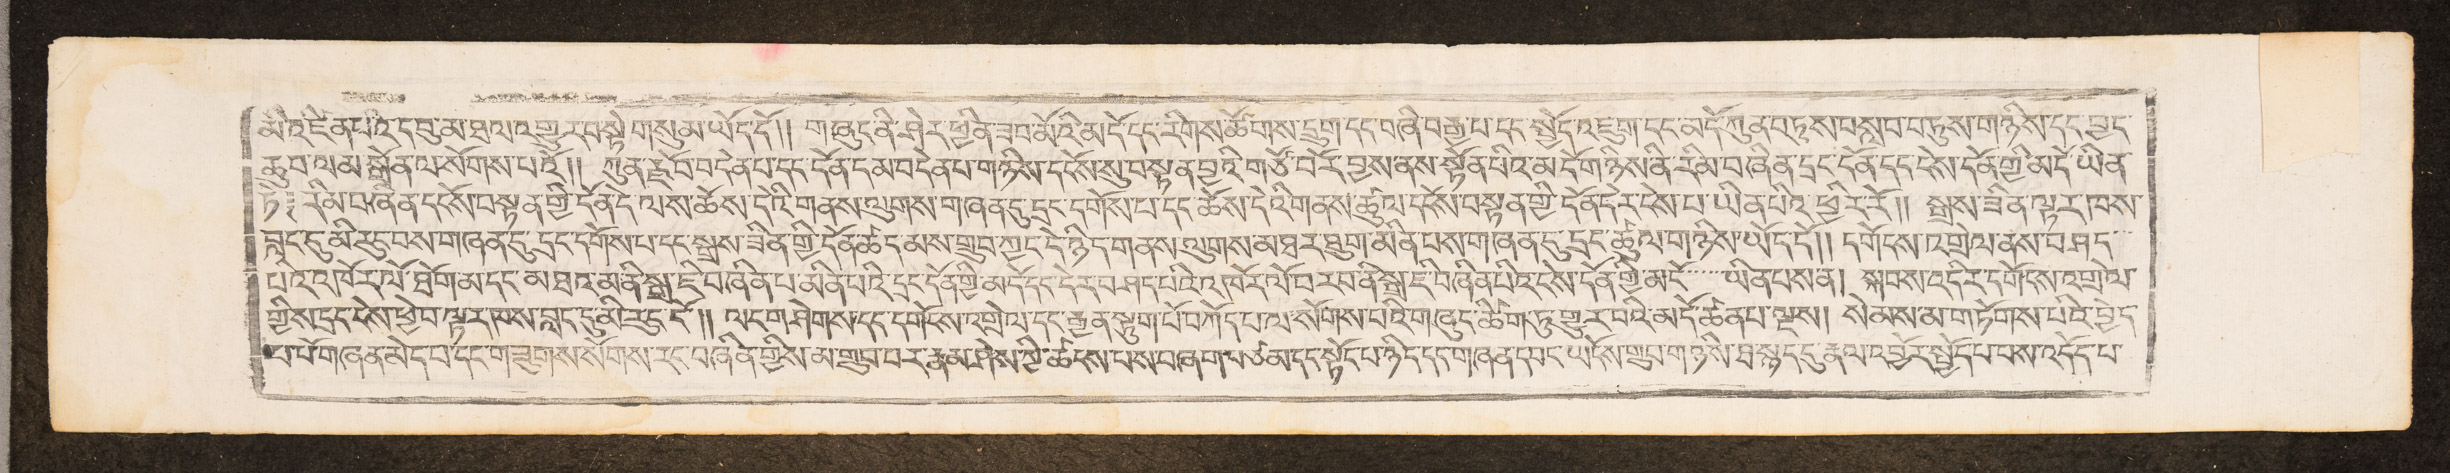མི་འཛིན་པའི་དབུ་མ་ཐལ་འགྱུར་བ་སྟེ་གསུམ་ཡོད་དོ། །གཞུང་ནི་ཤེར་ཕྱིན་ཟབ་མོའི་མདོ་དང་རིགས་ཚོགས་དྲུག་དང་བཞི་བརྒྱ་པ་དང་སྤྱོད་འཇུག་དང་མདོ་ཀུན་བཏུས་བསླབ་བཏུས་གཉིས་དང་བྱང་
ཆུབ་ལམ་སྒྲོན་ལ་སོགས་པའོ། །ཀུན་རྫོབ་བདེན་པ་དང་དོན་དམ་བདེན་པ་གཉིས་དངོས་སུ་བསྟན་བྱའི་གཙོ་བོར་བྱས་ནས་སྟོན་པའི་མདོ་གཉིས་ནི་རིམ་བཞིན་དྲང་དོན་དང་ངེས་དོན་གྱི་མདོ་ཡིན་
ཏེ། རིམ་བཞིན་དངོས་བསྟན་གྱི་དོན་དེ་ལས་ཆོས་དེའི་གནས་ལུགས་གཞན་དུ་དྲང་དགོས་པ་དང་ཆོས་དེའི་གནས་ཚུལ་དངོས་བསྟན་གྱི་དོན་དེར་ངེས་པ་ཡིན་པའི་ཕྱིར་རོ། །སྒྲས་ཟིན་ལྟར་ཁས་
བླང་དུ་མི་རུང་པས་གཞན་དུ་དྲང་དགོས་པ་དང་སྒྲས་ཟིན་གྱི་དོན་ཚད་མས་གྲུབ་ཀྱང་དེ་ཉིད་གནས་ལུགས་མཐར་ཐུག་མིན་པས་གཞན་དུ་དྲང་ཚུལ་གཉིས་ཡོད་དོ། །དགོངས་འགྲེལ་ནས་བཤད་
པའི་འཁོར་ལོ་ཐོག་མ་དང་མཐའ་མ་ནི་སྒྲ་ཇི་བཞིན་པ་མིན་པའི་དྲང་དོན་གྱི་མདོ་དང་དེར་བཤད་པའི་འཁོར་ལོ་བ་རབ་ནི་སྒྲ་ཇི་བཞིན་པའི་ངེས་དོན་གྱི་མདོ་ཡིན་པས་ན། སྐབས་འདིར་དགོངས་འགྲེལ་
གྱིས་དྲང་ངེས་ཕྱེ་བ་ལྟར་ཁས་བླང་དུ་མི་རུང་ངོ། །ལང་གཤེགས་དང་དགོངས་འགྲེལ་དང་རྒྱན་སྟུག་པོ་བཀོད་པ་ལ་སོགས་པའི་གཞུང་ཚིག་ཏུ་གྱུར་བའི་མདོ་ཚན་པ་ལྔས། སེམས་མ་གཏོགས་པའི་བྱེད་
པ་པོ་གཞན་མེད་པ་དང་གཟུགས་སོགས་རང་བཞིན་གྱིས་མ་གྲུབ་པར་རྣམ་ཤེས་ཀྱི་ཚངས་པས་བཞག་པ་ཙམ་དང་སྟོང་པ་ཉིད་དང་གཞན་དབང་ཡོངས་གྲུབ་གཉིས་ཐ་སྙད་དུ་རྣལ་འབྱོར་སྤྱོད་པ་པས་འདོད་པ་